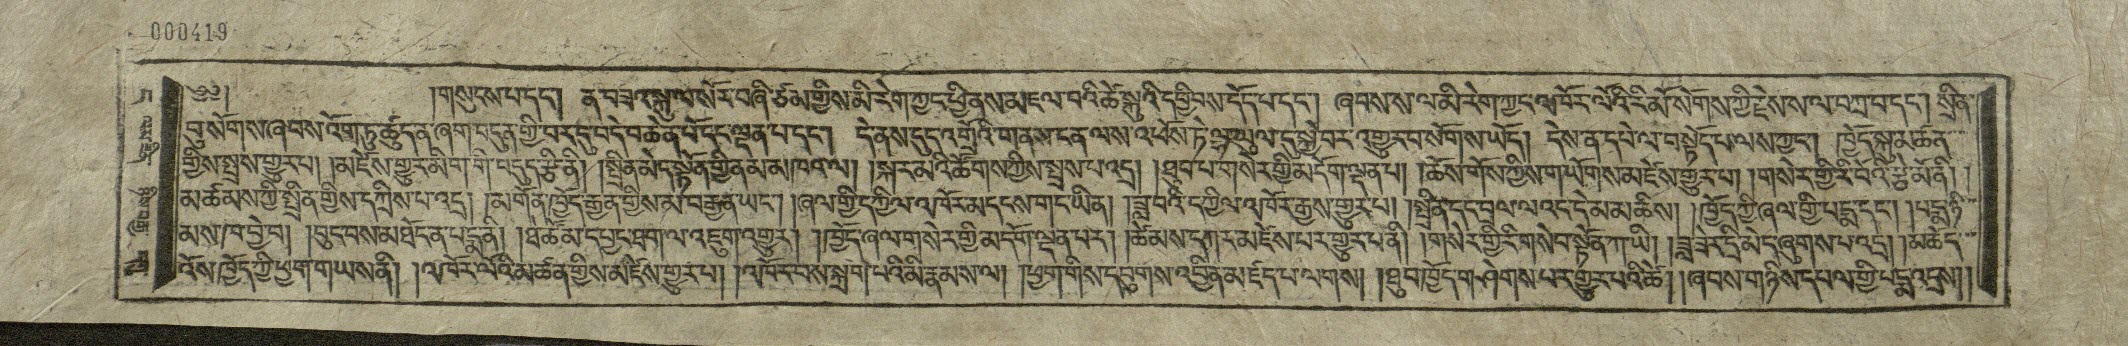༄༅། །གསུངས་པ་དང་། ན་བཟའ་སྐུ་ལ་སོར་བཞི་ཙམ་གྱིས་མི་རེག་ཀྱང་ཕྱི་ནས་མཇལ་བའི་ཚེ་སྐུའི་དབྱིབས་དོད་པ་དང་། ཞབས་ས་ལ་མི་རེག་ཀྱང་འཁོར་ལོའི་རི་མོ་སོགས་ཀྱི་རྗེས་ས་ལ་བཀྲ་བ་དང་། སྲིན་
བུ་སོགས་ཞབས་འོག་ཏུ་ཚུད་ན་ཞག་བདུན་གྱི་བར་དུ་བདེ་བ་ཆེན་པོ་དང་ལྡན་པ་དང་། དེ་ནས་དུད་འགྲོའི་གནས་ངན་ལས་འཕོས་ཏེ་ལྷ་ཡུལ་དུ་སྐྱེ་བར་འགྱུར་བ་སོགས་ཡོད། དེས་ན་དཔེ་ལ་བསྟོད་པ་ལས་ཀྱང་། ཁྱོད་སྐུ་མཚན་
གྱིས་སྤྲས་གྱུར་པ། །མཛེས་གྱུར་མིག་གི་བདུད་རྩི་ནི། །སྤྲིན་མེད་སྟོན་གྱི་ནམ་མཁའ་ལ། །སྐར་མའི་ཚོགས་ཀྱིས་སྤྲས་པ་འདྲ། །ཐུབ་པ་གསེར་གྱི་མདོག་ལྡན་པ། །ཆོས་གོས་ཀྱིས་གཡོགས་མཛེས་གྱུར་པ། །གསེར་གྱི་རི་བོའི་རྩེ་མོ་ནི། །
མཚམས་ཀྱི་སྤྲིན་གྱིས་དཀྲིས་པ་འདྲ། །མགོན་ཁྱོད་རྒྱན་གྱིས་མ་བརྒྱན་ཡང་། །ཞལ་གྱི་དཀྱིལ་འཁོར་མདངས་གང་ཡིན། །ཟླ་བའི་དཀྱིལ་འཁོར་རྒྱས་གྱུར་པ། །སྤྲིན་དང་བྲལ་ལའང་དེ་མ་མཆིས། །ཁྱོད་ཀྱི་ཞལ་གྱི་པདམ་དང་། །པདམ་ཉི་
མས་ཁ་བྱེ་བ། །བུང་བས་མཐོང་ན་པདམ་ནི། །ཐེ་ཚོམ་དཔྱང་ཐག་ལ་འཇུག་འགྱུར། །ཁྱོད་ཞལ་གསེར་གྱི་མདོག་ལྡན་པར། །ཚེམས་དཀར་མཛེས་པར་གྱུར་པ་ནི། །གསེར་གྱི་རི་གསེབ་སྟོན་ཀ་ཡི། །ཟླ་ཟེར་དྲི་མེད་ཞུགས་པ་འདྲ། །མཆོད་
འོས་ཁྱོད་ཀྱི་ཕྱག་གཡས་ནི། །འཁོར་ལོའི་མཚན་གྱིས་མཛེས་གྱུར་པ། །འཁོར་བས་སྐྲག་པའི་མི་རྣམས་ལ། །ཕྱག་གིས་དབུགས་འབྱིན་མཛད་པ་ལགས། །ཐུབ་ཁྱོད་གཤེགས་པར་གྱུར་པའི་ཚེ། །ཞབས་གཉིས་དཔལ་གྱི་པདམ་འདྲས། །